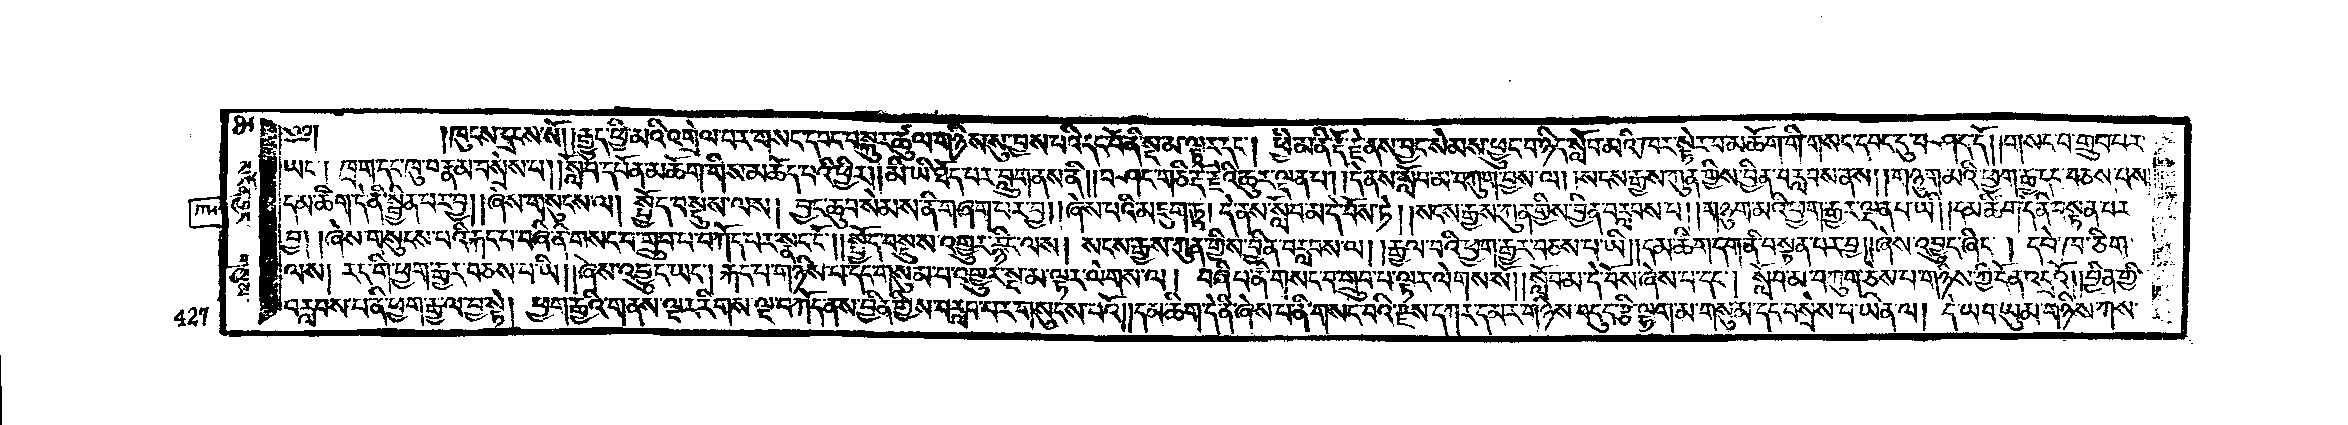༄༅། །ཁུངས་དྲངས་སོ། །རྒྱུད་ཕྱི་མའི་འགྲེལ་པར་གསང་དབང་བསྐུར་ཚུལ་གཉིས་སུ་བྱས་པའི་དང་པོ་ནི་སྔ་མ་ལྟར་དང་། ཕྱི་མ་ནི་རྡོ་རྗེ་ནས་བྱང་སེམས་ཕྱུང་བ་ཉིད་སློབ་མའི་ཁར་སྟེར་བ་མཆོག་གི་གསང་དབང་དུ་བཤད་དོ། །གསང་བ་གྲུབ་པར་
ཡང་། ཁྲག་དང་ཁུ་བ་རྣམ་བསྲེས་པ། །སློབ་དཔོན་མཆོག་གིས་མཆོད་པའི་ཕྱིར། །མི་ཡི་ཐོད་པར་བླུག་ནས་ནི། །བཤད་གཅི་རྡོ་རྗེའི་ཆུར་ལྡན་པ། །དེ་ནས་སློབ་མ་བཀུག་བྱས་ལ། །སངས་རྒྱས་ཀུན་གྱིས་བྱིན་བརླབས་ནས། །གཉུག་མའི་ཕྱག་རྒྱ་དང་བཅས་པས།
དམ་ཚིག་དེ་ནི་སྦྱིན་པར་བྱ། །ཞེས་གསུངས་ལ། སྤྱོད་བསྡུས་ལས། བྱང་ཆུབ་སེམས་ནི་གཞག་པར་བྱ། །ཞེས་པའི་མཇུག་ཏུ། དེ་ནས་སློབ་མ་དེ་བོས་ཏེ། །སངས་རྒྱས་ཀུན་གྱིས་བྱིན་བརླབས་པ། །གཉུག་མའི་ཕྱག་རྒྱར་ལྡན་པ་ཡི། །དམ་ཚིག་དེ་ནི་བསྟན་པར་
བྱ། །ཞེས་གསུངས་པའི་རྐང་པ་བཞི་ནི་གསང་བ་གྲུབ་པ་བཀོད་པར་སྣང་ངོ། །སྤྱོད་བསྡུས་འགྱུར་རྙིང་ལས། སངས་རྒྱས་ཀུན་གྱིས་བྱིན་བརླབས་ལ། །རྒྱལ་བའི་ཕྱག་རྒྱར་བཅས་པ་ཡི། །དམ་ཚིག་དག་ནི་བསྟན་པར་བྱ། །ཞེས་འབྱུང་ཞིང་། དཔེ་ཁ་ཅིག་
ལས། རང་གི་ཕྱག་རྒྱར་བཅས་པ་ཡི། །ཞེས་འབྱུང་ཡང་། རྐང་པ་གཉིས་པ་དང་གསུམ་པ་འགྱུར་སྔ་མ་ལྟར་ལེགས་ལ། བཞི་པ་ནི་གསང་བ་གྲུབ་པ་ལྟར་ལེགས་སོ། །སློབ་མ་དེ་བོས་ཞེས་པ་དང་། སློབ་མ་བཀུག་ཅེས་པ་གཉིས་ཀྱི་དོན་འདྲའོ། །བྱིན་གྱིས་
བརླབས་པ་ནི་ཕྱག་རྒྱ་ལ་བྱ་སྟེ། ཕྱག་རྒྱའི་གནས་ལྔར་རིགས་ལྔ་བཀོད་ནས་བྱིན་གྱིས་བརླབ་པར་གསུངས་པའོ། །དམ་ཚིག་དེ་ནི་ཞེས་པ་ནི་གསང་བའི་རྫས་དཀར་དམར་གཉིས་བདུད་རྩི་ལྷག་མ་གསུམ་དང་བསྲེས་པ་ཡིན་ལ། དེ་ཡབ་ཡུམ་གཉིས་ཀས་